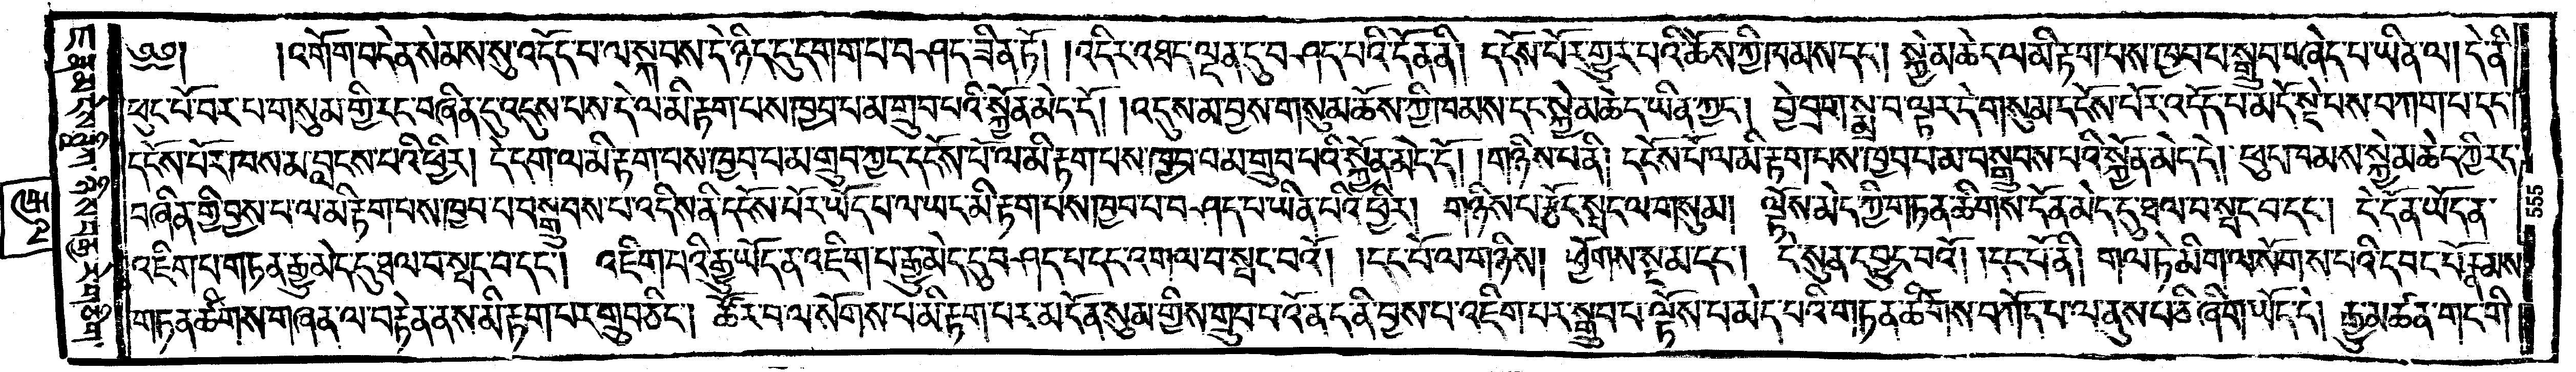༄༅། །འགོག་བདེན་སེམས་སུ་འདོད་པ་ལ་སྐབས་དེ་ཉིད་དུ་དགག་པ་བཤད་ཟིན་ཏོ། །འདིར་འཐད་ལྡན་དུ་བཤད་པའི་དོན་ནི། དངོས་པོར་གྱུར་པའི་ཆོས་ཀྱི་ཁམས་དང་། སྐྱེ་མཆེད་ལ་མི་རྟག་པས་ཁྱབ་པ་སྒྲུབ་བཞེད་པ་ཡིན་ལ། དེ་ནི་
ཕུང་པོ་བར་པ་གསུམ་གྱི་རང་བཞིན་དུ་འདུས་པས་དེ་ལ་མི་རྟག་པས་ཁྱབ་པ་མ་གྲུབ་པའི་སྐྱོན་མེད་དོ། །འདུས་མ་བྱས་གསུམ་ཆོས་ཀྱི་ཁམས་དང་སྐྱེ་མཆེད་ཡིན་ཀྱང་། བྱེ་བྲག་སྨྲ་བ་ལྟར་དེ་གསུམ་དངོས་པོར་འདོད་པ་མདོ་སྡེ་པས་བཀག་པ་དང་
དངོས་པོར་ཁས་མ་བླངས་པའི་ཕྱིར། དེ་དག་ལ་མི་རྟག་པས་ཁྱབ་པ་མ་གྲུབ་ཀྱང་དངོས་པོ་ལ་མི་རྟག་པས་ཁྱབ་པ་མ་གྲུབ་པའི་སྐྱོན་མེད་དོ། །གཉིས་པ་ནི། དངོས་པོ་ལ་མི་རྟག་པས་ཁྱབ་པ་མ་བསྒྲུབས་པའི་སྐྱོན་མེད་དེ། ཕུང་ཁམས་སྐྱེ་མཆེད་ཀྱི་རང་
བཞིན་གྱི་བྱས་པ་ལ་མི་རྟག་པས་ཁྱབ་པ་བསྒྲུབས་པ་འདིས་ནི་དངོས་པོར་ཡོད་པ་ལ་ཡང་མི་རྟག་པས་ཁྱབ་པ་བཤད་པ་ཡིན་པའི་ཕྱིར། གཉིས་པ་རྩོད་སྤང་ལ་གསུམ། ལྟོས་མེད་ཀྱི་གཏན་ཚིགས་དོན་མེད་དུ་ཐལ་བ་སྤང་བ་དང་། དེ་དོན་ཡོད་ན་
འཇིག་པ་གཏན་རྒྱུ་མེད་དུ་ཐལ་བ་སྤང་བ་དང་། འཇིག་པའི་རྒྱུ་ཡོད་ན་འཇིག་པ་རྒྱུ་མེད་དུ་བཤད་པ་དང་འགལ་བ་སྤང་བའོ། །དང་པོ་ལ་གཉིས། ཕྱོགས་སྔ་མ་དང་། དེ་སུན་དབྱུང་བའོ། །དང་པོ་ནི། གལ་ཏེ་མིག་ལ་སོགས་པའི་དབང་པོ་རྣམས་
གཏན་ཚིགས་གཞན་ལ་བརྟེན་ནས་མི་རྟག་པར་གྲུབ་ཅིང་། ཚོར་བ་ལ་སོགས་པ་མི་རྟག་པར་མངོན་སུམ་གྱིས་གྲུབ་པ་འོ་ན་ད་ནི་བྱས་པ་འཇིག་པར་སྒྲུབ་པ་ལྟོས་པ་མེད་པའི་གཏན་ཚིགས་བཀོད་པ་ལ་ནུས་པ་ཅི་ཞིག་ཡོད་དེ། རྒྱུ་མཚན་གང་གི་